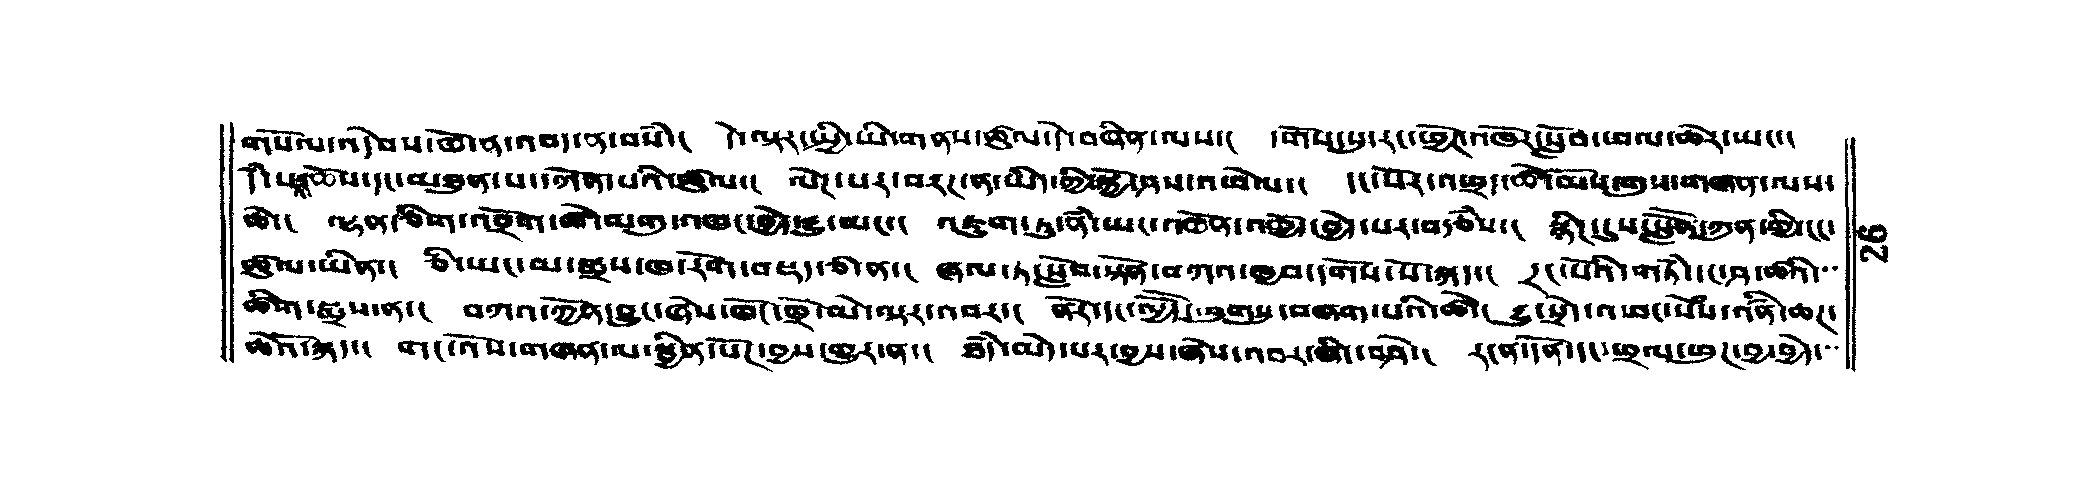གསོལ་འདེབས་ཁོ་ན་འབད་ན་བསམ། །དེ་ལྟར་སྤྱི་ཡི་གནས་ཚུལ་དེ་བཞིན་ལས། །དགོས་སུ་རང་ཕྱོགས་འཁོར་སློབ་ཕལ་ཆེར་ཡང་། །
དམ་པའི་ཆོས་དང་མཐུན་པ་དཀོན་པའི་ཚུལ། །ལེགས་པར་བརྟགས་ན་ཡིད་ཀྱི་སྐྱོ་ཤས་འཕེལ། །དང་པོར་འཕྲད་ཚེ་མོས་གུས་གཞན་ལས་
ཆེ། །ལྷན་ཅིག་འགྲོགས་ཚེ་མགུ་འཁང་བྱེད་རྒྱུ་མང་། །འཇུག་ཏུ་ནམ་ཡང་འཁོན་གྱོད་བྱེད་པར་བརྩམས། །སྙིགས་དུས་སློབ་དཔོན་ཀུན་གྱི་ངང་
ཚུལ་ཡིན། །ཅི་ཡང་མ་སྨྲས་ཁ་རོག་བསྡད་ཙ་ན། །ཞལ་ཏ་སློབ་སྟོན་བཀའ་ཁྱབ་དགོས་སོ་སྐད། །དྲང་པོའི་གཏམ་དང་ཤ་ཚའི་
ཚིག་སྨྲས་ན། །བཀའ་ཀྱོན་བྱུང་ཞེས་ཁོང་ཁྲོ་མེ་ལྟར་འབར། །ནོར་དང་ལོངས་སྤྱོད་ཕུགས་སུ་བཞག་པའི་ཚེ། །རྒྱུ་སྲེད་འཕང་སེམས་འཛིན་ཆགས་
ཆེའོ་སྐད། །གང་འོས་གཞན་ལ་སྦྱིན་སོགས་བྱེད་གྱུར་ན། །ཐམས་ཅད་མེད་པར་བྱས་ཞེས་འབར་ཞིང་བཤེ། །རང་གཞན་དོན་དང་ཕྲལ་ཕུགས་བྱ་བྱེད་